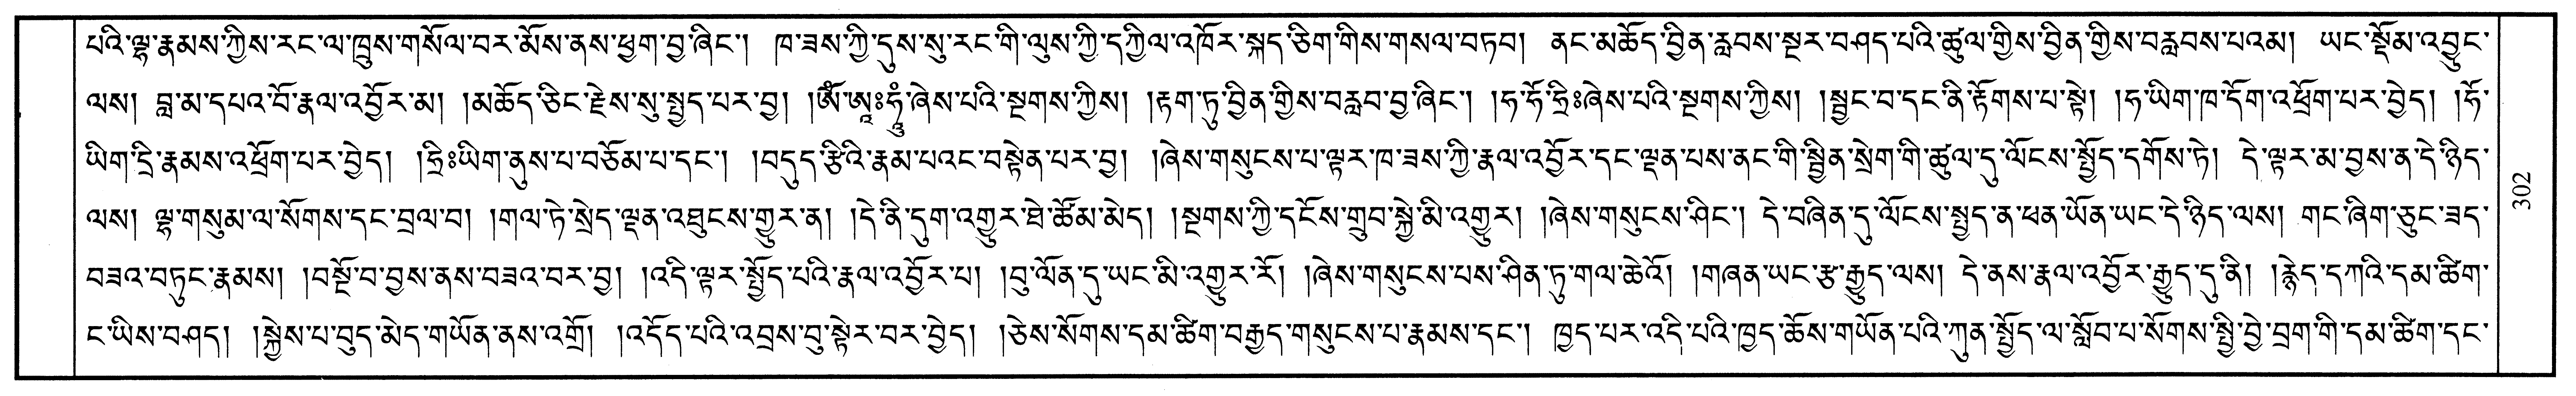པའི་ལྷ་རྣམས་ཀྱིས་རང་ལ་ཁྲུས་གསོལ་བར་མོས་ནས་ཕྱག་བྱ་ཞིང་། ཁ་ཟས་ཀྱི་དུས་སུ་རང་གི་ལུས་ཀྱི་དཀྱིལ་འཁོར་སྐད་ཅིག་གིས་གསལ་བཏབ། ནང་མཆོད་བྱིན་རླབས་སྔར་བཤད་པའི་ཚུལ་གྱིས་བྱིན་གྱིས་བརླབས་པའམ། ཡང་སྡོམ་འབྱུང་
ལས། བླ་མ་དཔའ་བོ་རྣལ་འབྱོར་མ། །མཆོད་ཅིང་རྗེས་སུ་སྤྱད་པར་བྱ། །ཨོཾ་ཨཱཿ ཧཱུཾ་ཞེས་པའི་སྔགས་ཀྱིས། །རྟག་ཏུ་བྱིན་གྱིས་བརླབ་བྱ་ཞིང་། །ཧ་ཧོ་ཧྲིཿ ཞེས་པའི་སྔགས་ཀྱིས། །སྦྱང་བ་དང་ནི་རྟོགས་པ་སྟེ། །ཧ་ཡིག་ཁ་དོག་འཕྲོག་པར་བྱེད། །ཧོ་
ཡིག་དྲི་རྣམས་འཕྲོག་པར་བྱེད། །ཧྲིཿ ཡིག་ནུས་པ་བཅོམ་པ་དང་། །བདུད་རྩིའི་རྣམ་པའང་བསྟེན་པར་བྱ། །ཞེས་གསུངས་པ་ལྟར་ཁ་ཟས་ཀྱི་རྣལ་འབྱོར་དང་ལྡན་པས་ནང་གི་སྦྱིན་སྲེག་གི་ཚུལ་དུ་ལོངས་སྤྱོད་དགོས་ཏེ། དེ་ལྟར་མ་བྱས་ན་དེ་ཉིད་
ལས། ལྷ་གསུམ་ལ་སོགས་དང་བྲལ་བ། །གལ་ཏེ་སྲེད་ལྡན་འཐུང་གྱུར་ན། །དེ་ནི་དུག་འགྱུར་ཐེ་ཚོམ་མེད། །སྔགས་ཀྱི་དངོས་གྲུབ་སྐྱེ་མི་འགྱུར། །ཞེས་གསུངས་ཤིང་། །དེ་བཞིན་དུ་ཡོངས་སྤྱད་ན་ཕན་ཡོན་ཡང་དེ་ཉིད་ལས། གང་ཞིག་ཅུང་ཟད་
བཟའ་བཏུང་རྣམས། །བསྔོ་བ་བྱས་ནས་བཟའ་བར་བྱ། །འདི་ལྟར་སྤྱོད་པའི་རྣལ་འབྱོར་པ། །བུ་ལོན་དུ་ཡང་མི་འགྱུར་རོ། །ཞེས་གསུངས་པས་ཤིན་ཏུ་གལ་ཆེའོ། །གཞན་ཡང་རྩ་རྒྱུད་ལས། དེ་ནས་རྣལ་འབྱོར་རྒྱུད་དུ་ནི། །རྙེད་དཀའི་དམ་ཚིག་
ང་ཡིས་བཤད། །སྐྱེས་པ་བུད་མེད་གཡོན་ནས་འགྲོ། །འདོད་པའི་འབྲས་བུ་སྟེར་བར་བྱེད། །ཅེས་སོགས་དམ་ཚིག་བརྒྱད་གསུངས་པ་རྣམས་དང་། ཁྱད་པར་འདི་པའི་ཁྱད་ཆོས་གཡོན་པའི་ཀུན་སྤྱོད་ལ་སློབ་པ་སོགས་སྤྱི་བྱེ་བྲག་གི་དམ་ཚིག་དང་